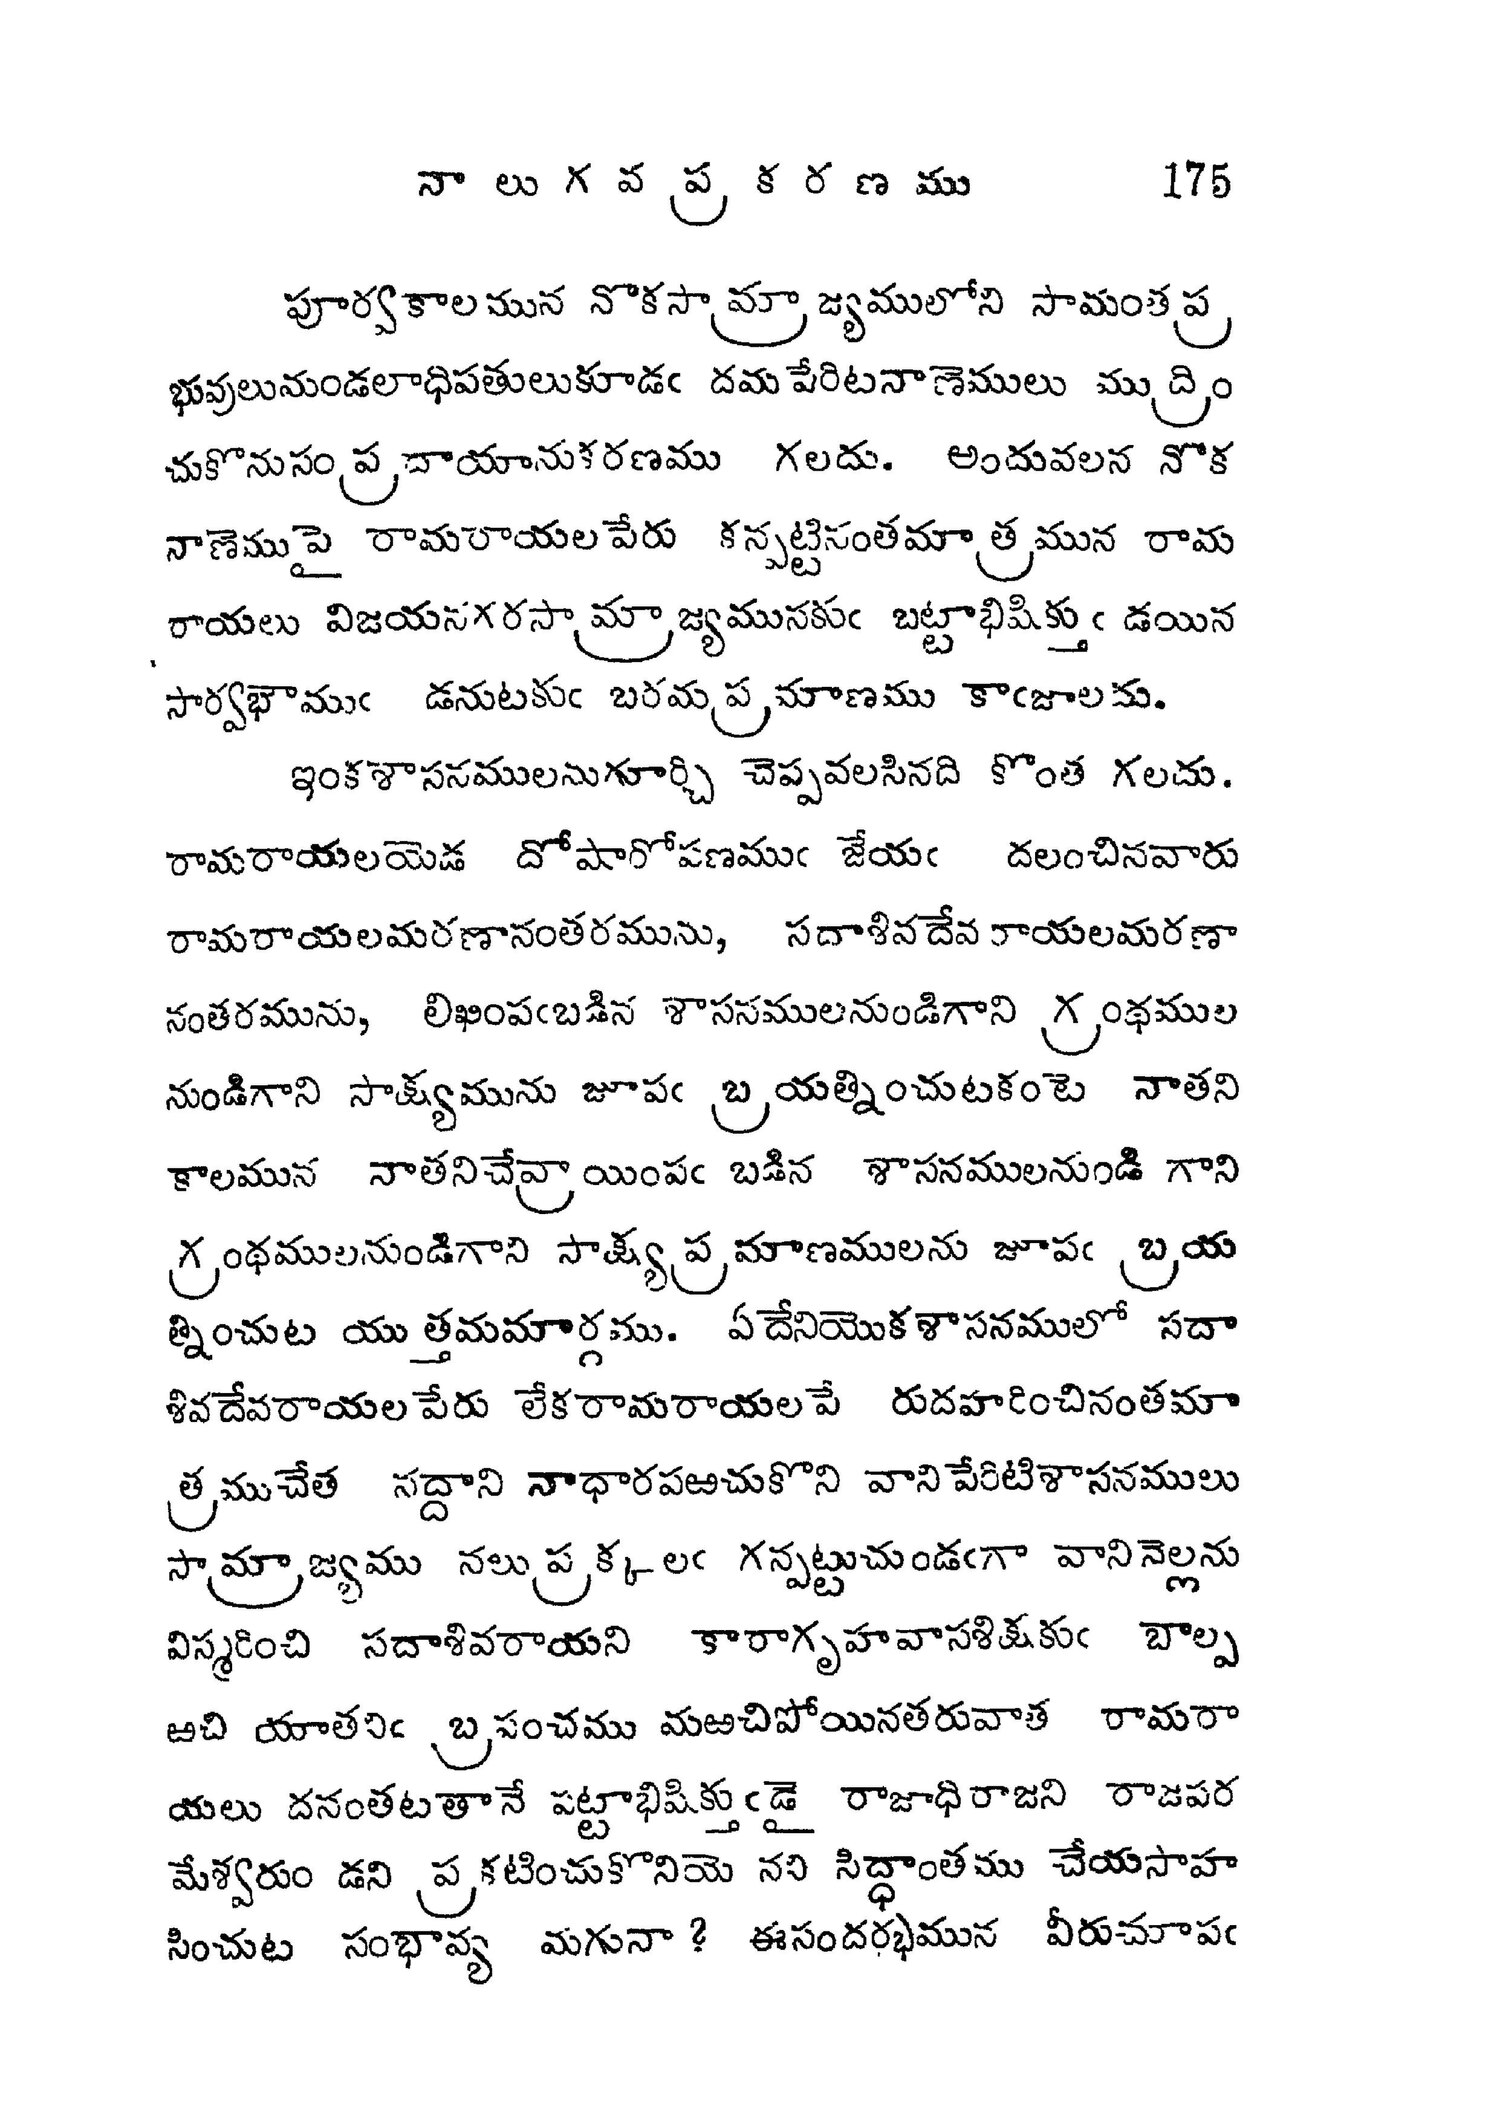పూర్వకాలమున నొకసామ్రాజ్యములోని సామంతప్రభువులు మండలాధిపతులుకూడ దమ పేరిటనాణెములు ముద్రించుకొనుసంప్రదాయానుకరణము గలదు. అందువలన నొక నాణెముపై రామరాయలపేరు కన్పట్టినంతమాత్రమున రామరాయలు విజయనగరసామ్రాజ్యమునకు బట్టాభిషిక్తు డయిన సార్వభౌము డనుటకు బరమప్రమాణము కాజాలదు.

ఇంకశాసనములనుగూర్చి చెప్పవలసినది కొంత గలదు. రామరాయలయెడ దోషారోపణము జేయ దలంచినవారు రామరాయల మరణానంతరమును, సదాశివదేవరాయల మరణానంతరమును, లిఖింపబడిన శాసనములనుండిగాని గ్రంథములనుండిగాని సాక్ష్యమును జూప బ్రయత్నించుటకంటె నాతనికాలమున నాతనిచేవ్రాయింప బడిన శాసనములనుండి గాని గ్రంథములనుండిగాని సాక్ష్యప్రమాణములను జూప బ్రయత్నించుట యుత్తమమార్గము. ఏదేనియొక శాసనములో సదాశివదేవరాయలపేరు లేకరామరాయలపే రుదహరించినంతమాత్రముచేత నద్దాని నాధారపఱచుకొని వానిపేరిటశాసనములు సామ్రాజ్యము నలుప్రక్కల గన్పట్టుచుండగా వానినెల్లను విస్మరించి సదాశివరాయని కారాగృహవాసశిక్షకు బాల్పఱచి యాతని బ్రపంచము మఱచిపోయినతరువాత రామరాయలు దనంతటతానే పట్టాభిషిక్తుడై రాజాధిరాజని రాజపరమేశ్వరుం డని ప్రకటించుకొనియె నని సిద్ధాంతము చేయసాహసించుట సంభావ్య మగునా ? ఈసందర్భమున వీరుచూప